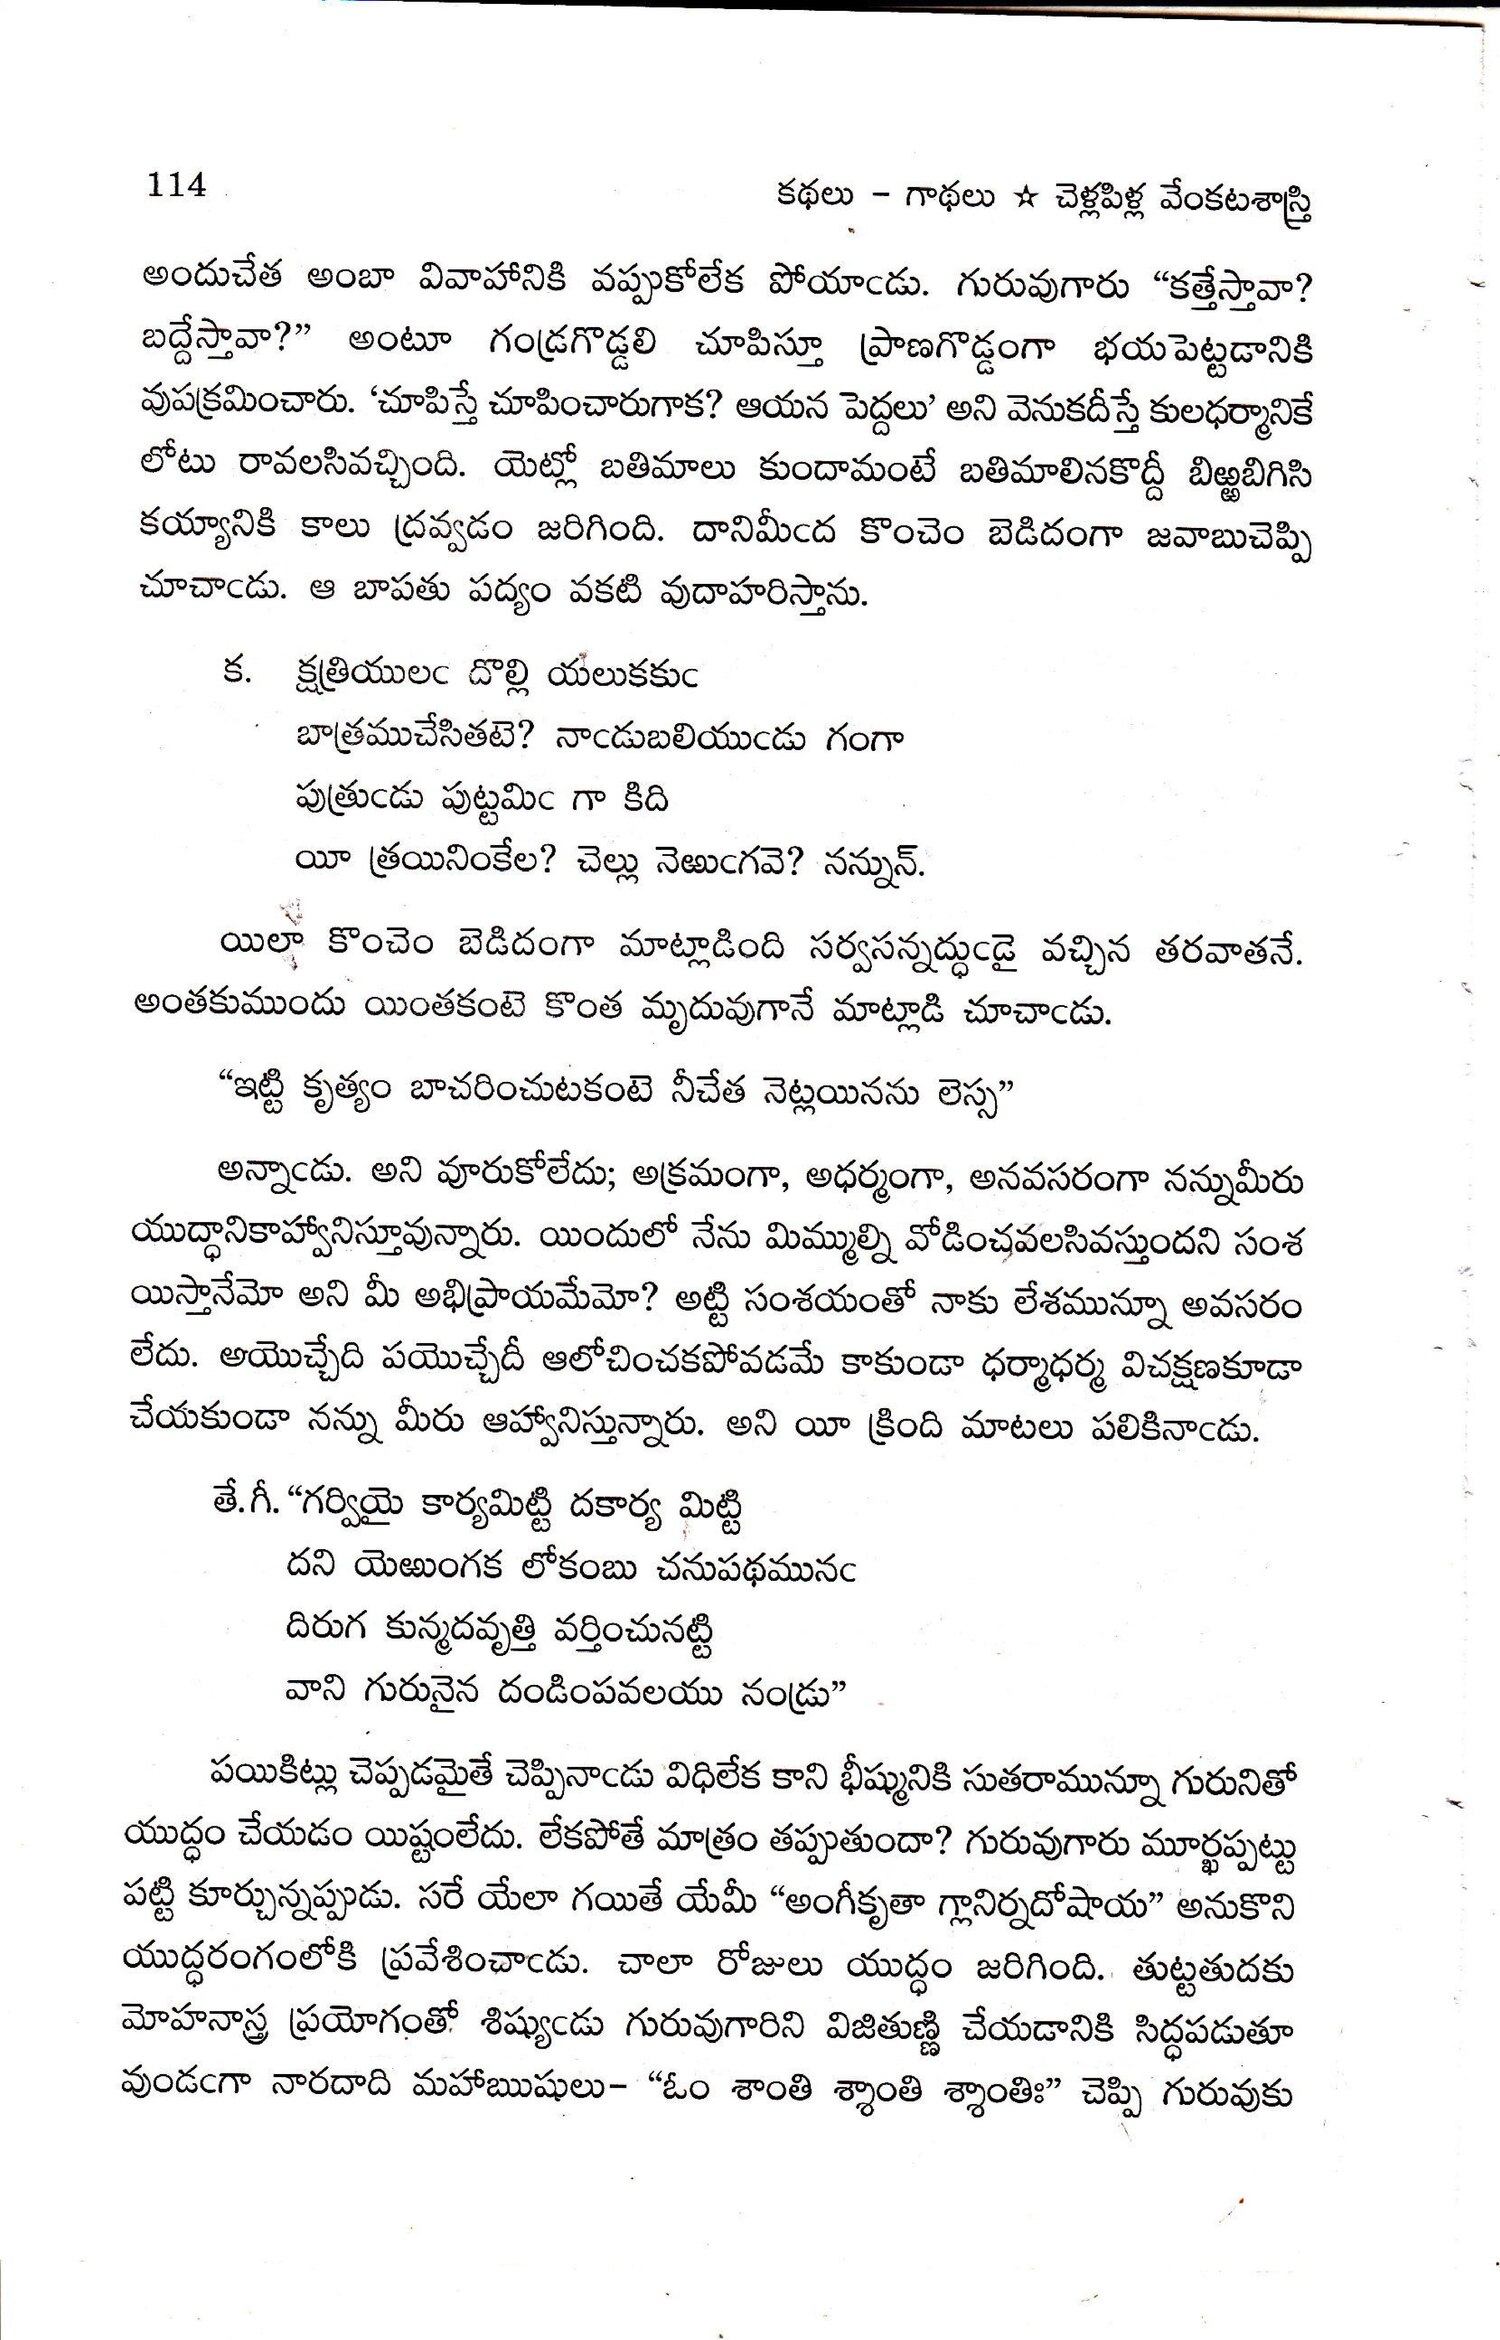అందుచేత అంబా వివాహానికి వప్పుకోలేక పోయాండు. గురువుగారు “కత్తేస్తావా? బద్దేస్తావా?” అంటూ గండ్రగొడ్డలి చూపిస్తూ ప్రాణగొడ్డంగా భయపెట్టడానికి వుపక్రమించారు. చూపిస్తే చూపించారుగాక? ఆయన పెద్దలు అని వెనుకదీస్తే కులధర్మానికే లోటు రావలసివచ్చింది. యెట్లో బతిమాలు కుందామంటే బతిమాలినకొద్దీ బిల్దబిగిసి కయ్యానికి కాలు ద్రవ్వడం జరిగింది. దానిమీంద కొంచెం బెడిదంగా జవాబుచెప్పి చూచాండు. ఆ బాపతు పద్యం వకటి వుదాహరిస్తాను.
క. క్షత్రియులం దొల్లి యలుకకుం
బాత్రముచేసితటే? నాcడుబలియుండు గంగా 
పుత్రుండు పుట్టమిం గా కిది 
యీ త్రయినింకేల? చెల్లు నెఱుంగవె? నన్నున్.
యిలా కొంచెం బెడిదంగా మాట్లాడింది సర్వసన్నద్ధుఁడై వచ్చిన తరవాతనే. అంతకుముందు యింతకంటె కొంత మృదువుగానే మాట్లాడి చూచాండు.

“ಇట్టి కృత్యం బాచరించుటకంటె నీచేత నెట్లయినను లెస్స"

అన్నాండు. అని వూరుకోలేదు; అక్రమంగా, అధర్మంగా, అనవసరంగా నన్నుమీరు యుద్ధానికాహ్వానిస్తూవున్నారు. యిందులో నేను మిమ్మల్ని వోడించవలసివస్తుందని సంశ యిస్తానేమో అని మీ అభిప్రాయమేమో? అట్టి సంశయంతో నాకు లేశమున్నూ అవసరం లేదు. అయొచ్చేది పయెుచ్చేదీ ఆలోచించకపోవడమే కాకుండా ధర్మాధర్మ విచక్షణకూడా చేయకుండా నన్ను మీరు ఆహ్వానిస్తున్నారు. అని యీ క్రింది మాటలు పలికినాఁడు.
తే.గీ. "గర్వియై కార్యమిట్టి దకార్య మిట్టి
దని యెఱుంగక లోకంబు చనుపథమునం 
దిరుగ కున్మదవృత్తి వర్తించునట్టి 
వాని గురునైన దండింపవలయు నండ్రు"
పయికిట్లు చెప్పడమైతే చెప్పినాండు విధిలేక కాని భీష్మునికి సుతరామున్నూ గురునితో యుద్ధం చేయడం యిష్టంలేదు. లేకపోతే మాత్రం తప్పుతుందా? గురువుగారు మూర్ధప్పట్టు పట్టి కూర్చున్నప్పడు. సరే యేలా గయితే యేమీ “అంగీకృతా గ్లానిర్నదోషాయ" అనుకొని యుద్ధరంగంలోకి ప్రవేశించాcడు. చాలా రోజులు యుద్ధం జరిగింది. తుట్టతుదకు మోహనాస్త్ర ప్రయోగంతో శిష్యుండు గురువుగారిని విజితుణ్ణి చేయడానికి సిద్ధపడుతూ వుండంగా నారదాది మహాఋషులు- “ఓం శాంతి శ్శాంతి శ్శాంతిః" చెప్పి గురువుకు